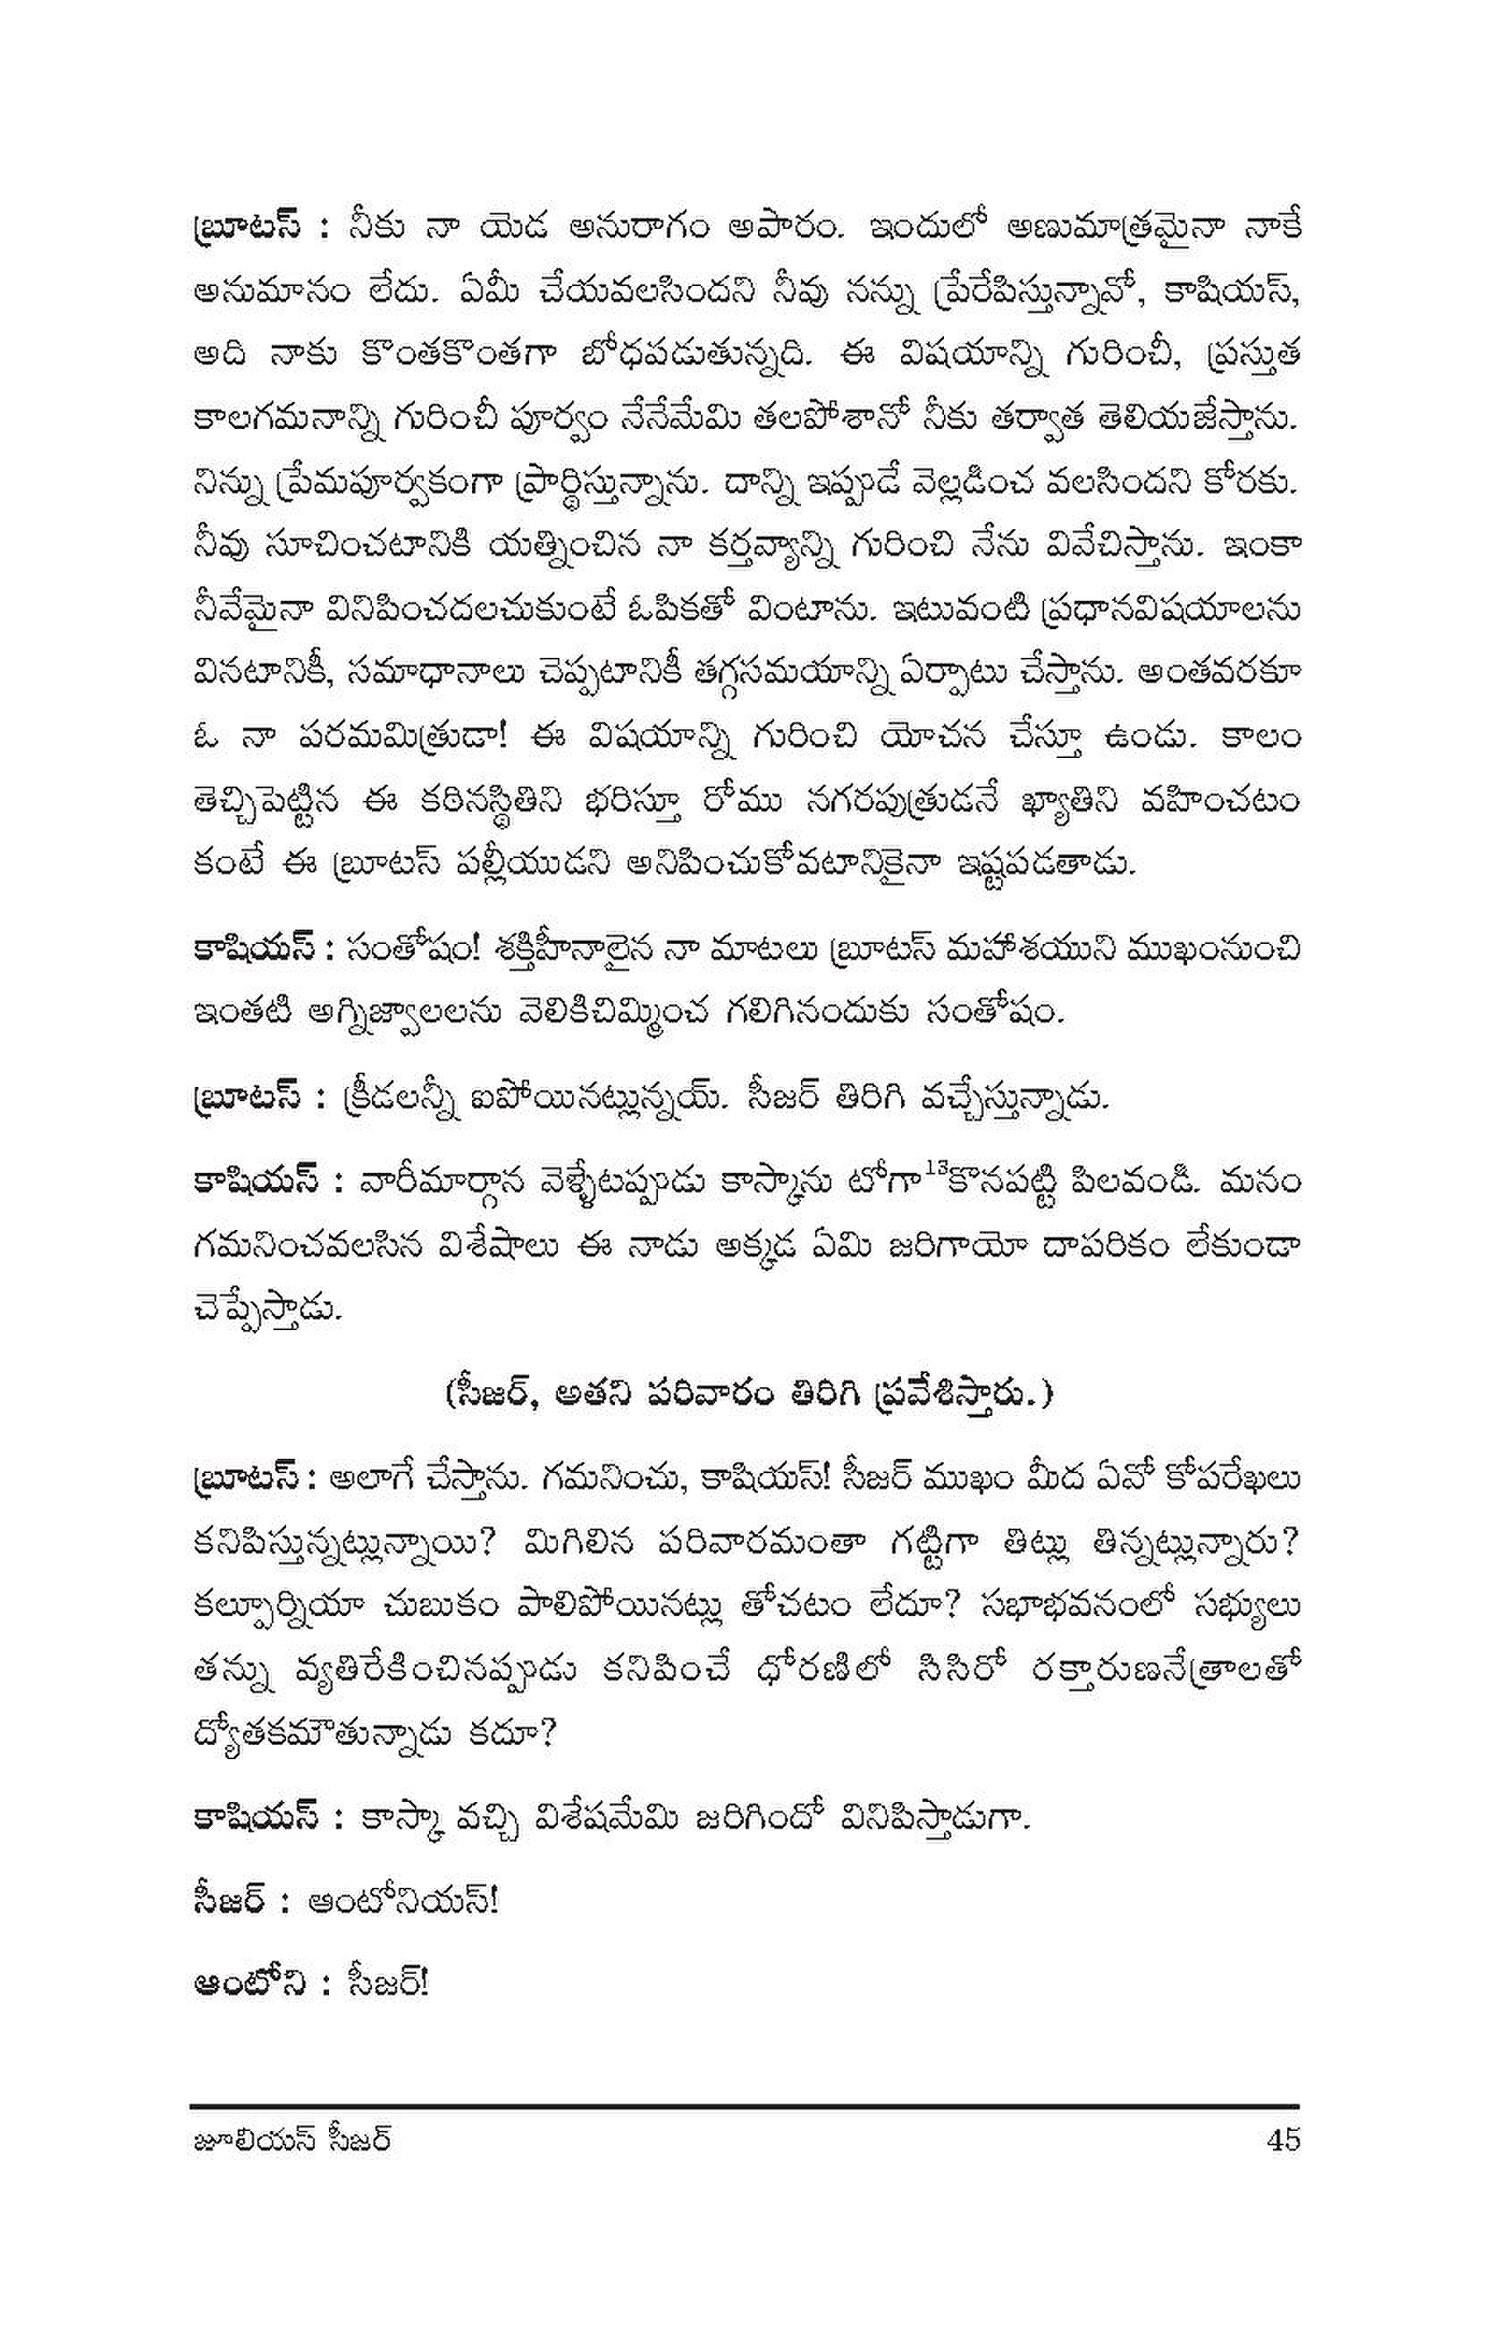బ్రూటస్ : నీకు నా యెడ అనురాగం అపారం. ఇందులో అణుమాత్రమైనా నాకే అనుమానం లేదు. ఏమీ చేయవలసిందని నీవు నన్ను ప్రేరేపిస్తున్నావో, కాషియస్, అది నాకు కొంతకొంతగా బోధపడుతున్నది. ఈ విషయాన్ని గురించీ, ప్రస్తుత కాలగమనాన్ని గురించీ పూర్వం నేనేమేమి తలపోశానో నీకు తర్వాత తెలియజేస్తాను. నిన్ను ప్రేమ పూర్వకంగా ప్రార్థిస్తున్నాను. దాన్ని ఇప్పుడే వెల్లడించ వలసిందని కోరకు. నీవు సూచించటానికి యత్నించిన నా కర్తవ్యాన్ని గురించి నేను వివేచిస్తాను. ఇంకా నీవేమైనా వినిపించదలచుకుంటే ఓపికతో వింటాను. ఇటువంటి ప్రధానవిషయాలను
వినటానికీ, సమాధానాలు చెప్పటానికీ తగ్గసమయాన్ని ఏర్పాటు చేస్తాను. అంతవరకూ ఓ నా పరమమిత్రుడా! ఈ విషయాన్ని గురించి యోచన చేస్తూ ఉండు. కాలం తెచ్చిపెట్టిన ఈ కఠినస్థితిని భరిస్తూ రోము నగరపుత్రుడనే ఖ్యాతిని వహించటం కంటే ఈ బ్రూటస్ పల్లీయుడని అనిపించుకోవటానికైనా ఇష్టపడతాడు.

కాషియస్ : సంతోషం! శక్తిహీనాలైన నా మాటలు బ్రూటస్ మహాశయుని ముఖంనుంచి ఇంతటి అగ్నిజ్వాలలను వెలికిచిమ్మించ గలిగినందుకు సంతోషం.

బ్రూటస్ : క్రీడలన్నీ ఐపోయినట్లున్నయ్. సీజర్ తిరిగి వచ్చేస్తున్నాడు.

కాషియస్ : వారీమార్గాన వెళ్ళేటప్పుడు కాస్కాను టోగా కొనపట్టి పిలవండి. మనం గమనించవలసిన విశేషాలు ఈ నాడు అక్కడ ఏమి జరిగాయో దాపరికం లేకుండా చెప్పేస్తాడు.

బ్రూటస్ : అలాగే చేస్తాను. గమనించు, కాషియస్! సీజర్ ముఖం మీద ఏవో కోపరేఖలు కనిపిస్తున్నట్లున్నాయి? మిగిలిన పరివారమంతా గట్టిగా తిట్లు తిన్నట్లున్నారు? కల్పూర్నియా చుబుకం పాలిపోయినట్లు తోచటం లేదూ? సభాభవనంలో సభ్యులు తన్ను వ్యతిరేకించినప్పుడు కనిపించే ధోరణిలో సిసిరో రక్తారుణనేత్రాలతో ద్యోతకమౌతున్నాడు కదూ?

కాషియస్ : కాస్కా వచ్చి విశేషమేమి జరిగిందో వినిపిస్తాడుగా.

సీజర్ : ఆంటోనియస్!

ఆంటోని : సీజర్!